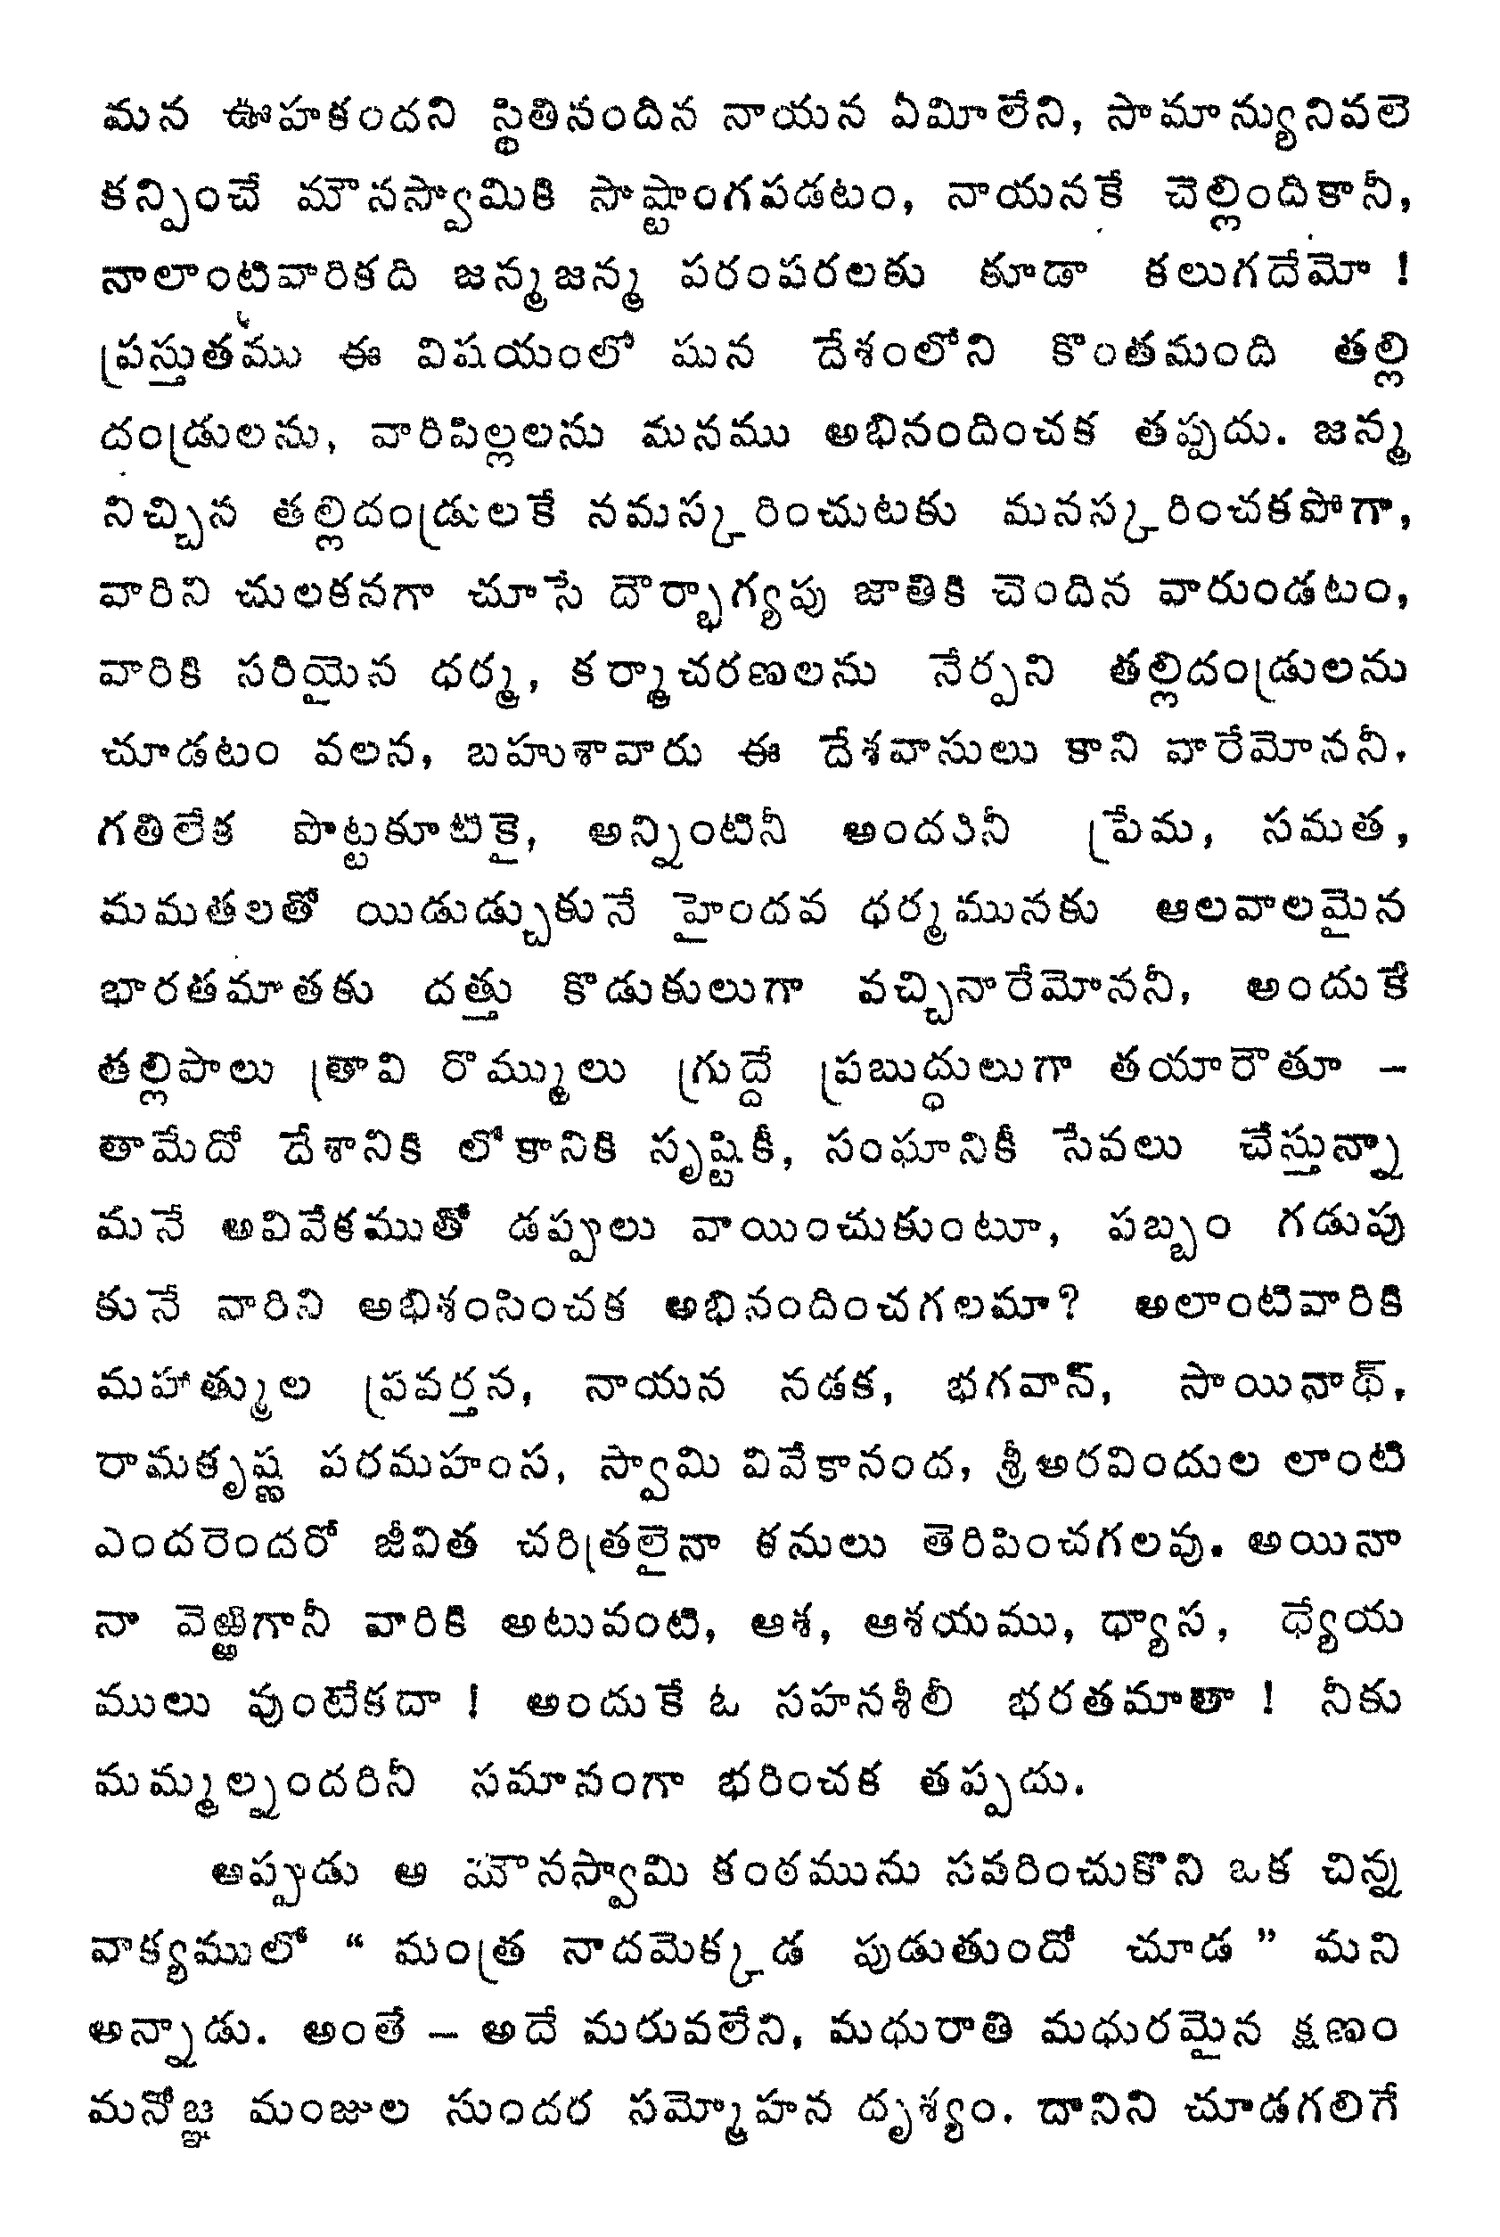మన ఊహకందని స్థితినందిన నాయన ఏమీలేని, సామాన్యునివలె కన్పించే మౌనస్వామికి సాష్టాంగపడటం, నాయనకే చెల్లిందికానీ, నాలాంటివారికది జన్మజన్మ పరంపరలకు కూడా కలుగదేమో ! ప్రస్తుతము ఈ విషయంలో మన దేశంలోని కొంతమంది తల్లి దండ్రులను, వారిపిల్లలను మనము అభినందించక తప్పదు. జన్మ నిచ్చిన తల్లిదండ్రులకే నమస్కరించుటకు మనస్కరించకపోగా, వారిని చులకనగా చూసే దౌర్భాగ్యపు జాతికి చెందిన వారుండటం, వారికి సరియైన ధర్మ, కర్మాచరణలను నేర్పని తల్లిదండ్రులను చూడటం వలన, బహుశావారు ఈ దేశవాసులు కాని వారేమోననీ, గతిలేక పొట్టకూటికై, అన్నింటినీ అందరినీ ప్రేమ, సమత, మమతలతో యిడుడ్చుకునే హైందవ ధర్మమునకు ఆలవాలమైన భారతమాతకు దత్తు కొడుకులుగా వచ్చినారేమోననీ, అందుకే తల్లిపాలు త్రావి రొమ్ములు గ్రుద్దే ప్రబుద్దులుగా తయారౌతూ - తామేదో దేశానికి లోకానికి సృష్టికి, సంఘానికి సేవలు చేస్తున్నామనే అవివేకముతో డప్పులు వాయించుకుంటూ, పబ్బం గడుపుకునే వారిని అభిశంసించక అభినందించగలమా? అలాంటివారికి మహాత్ముల ప్రవర్తన, నాయన నడక, భగవాన్, సాయినాథ్, రామకృష్ణ పరమహంస, స్వామి వివేకానంద, శ్రీ అరవిందుల లాంటి ఎందరెందరో జీవిత చరిత్రలైనా కనులు తెరిపించగలవు. అయినా నా వెఱ్ఱిగానీ వారికి అటువంటి, ఆశ, ఆశయము, ధ్యాస, ధ్యేయములు వుంటేకదా ! అందుకే ఓ సహనశీలి భరతమాతా ! నీకు మమ్మల్నందరినీ సమానంగా భరించక తప్పదు.

అప్పుడు ఆ మౌనస్వామి కంఠమును సవరించుకొని ఒక చిన్న వాక్యములో " మంత్ర నాదమెక్కడ పుడుతుందో చూడ " మని అన్నాడు. అంతే - అదే మరువలేని, మధురాతి మధురమైన క్షణం మనోజ్ఞ మంజుల సుందర సమ్మోహన దృశ్యం. దానిని చూడగలిగే